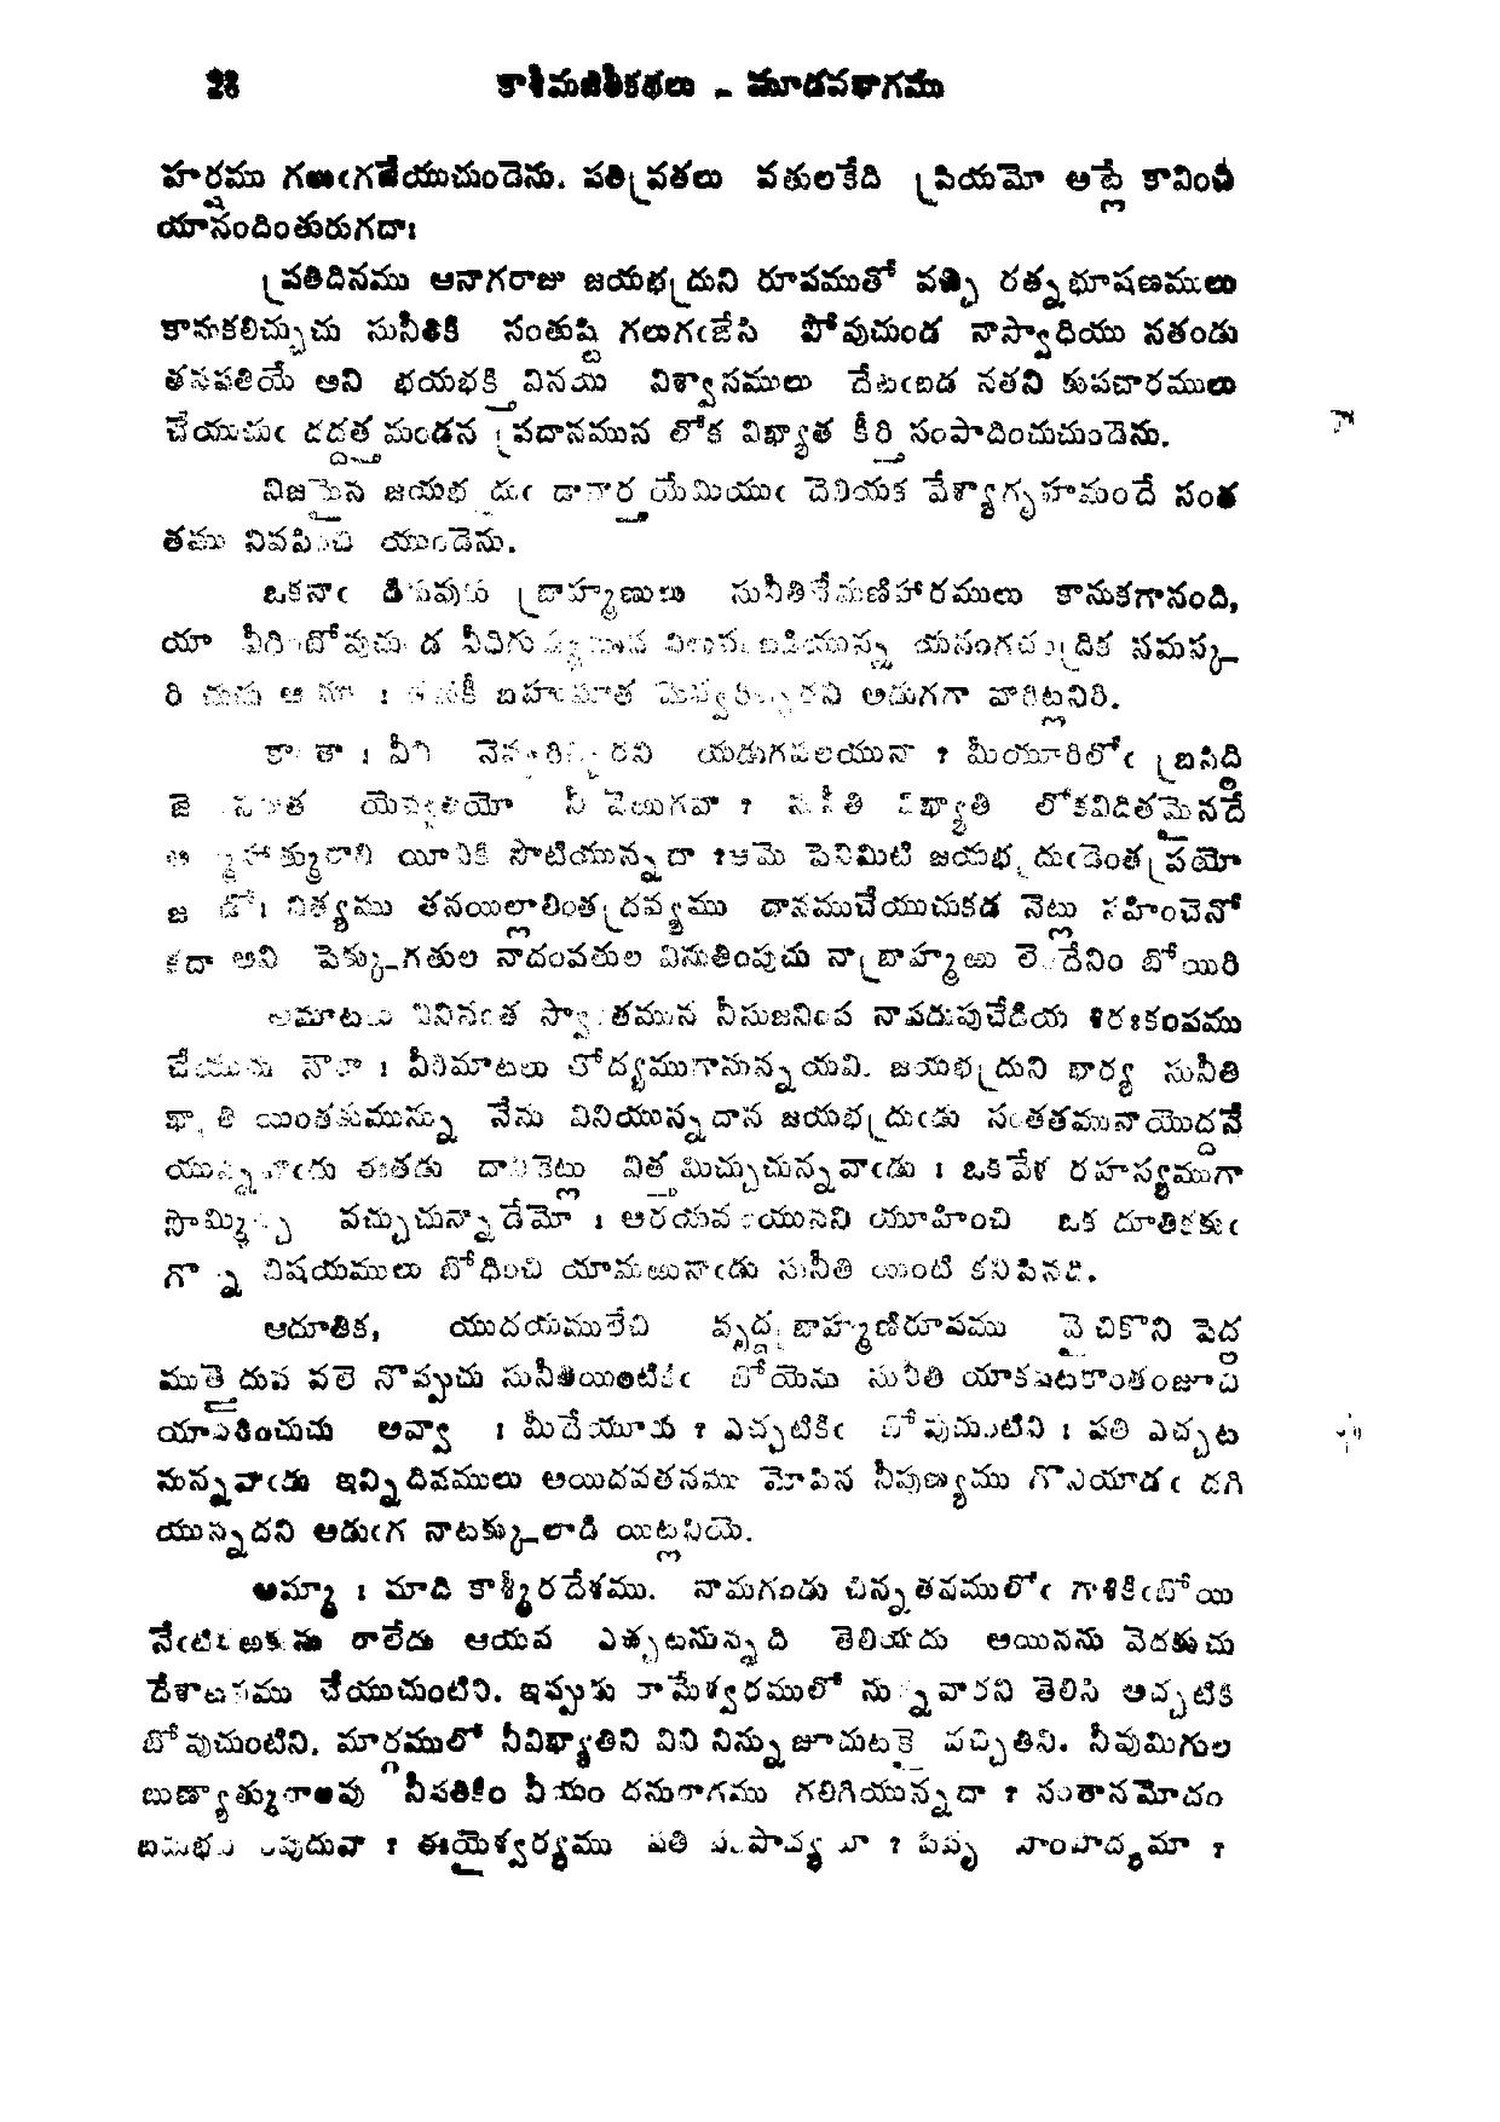హర్షము గలుఁగజేయుచుండెను. పతివ్రతలు పతుల కేది ప్రియమో అట్లే కావించి యానందింతురుగదా!

ప్రతిదినము ఆనాగరాజు జయభద్రుని రూపముతో వచ్చి రత్నభూషణములు కానుకలిచ్చుచు సునీతికి సంతుష్టి గలుగఁజేసి పోవుచుండ నాసాధ్వియు నతండు తనపతియే అని భయభక్తివినయవిశ్వాసములు దేటఁబడ నతని కుపచారములు చేయుచుఁ దద్దత్తమండనప్రదానమున లోకవిఖ్యాతకీర్తి సంపాదించుచుండెను.

నిజమైన జయభద్రుఁ డావార్తయేమియుఁ దెలియక వేశ్యాగృహమందే సంతతము నివసించి యుండెను.

ఒకనాఁ డిరువురు బ్రాహ్మణులు సునీతిచేమణిహారములు కానుకగానంది, యా వీధింబోవుచుండ వీధిగుమ్మమున నిలువంబడియున్న యనంగచంద్రిక నమస్కరించుచు అయ్యా! తమరికీ బహుమాన మెవ్వరిచ్చిరని అడుగగా వారిట్లనిరి.

కాంతా! వీని నెవ్వరిచ్చిరని యడుగవలయునా? మీయూరీలోఁ బ్రసిద్ధి జెందినవనిత యెవ్వతియో నీ వెఱుగవా? సునీతి విఖ్యాతి లోకవిదితమైనదే అమ్మహాత్మురాలి యీవికి సాటియున్నదా? ఆమె పెనిమిటి జయభద్రుఁడెంత ప్రయోజకుడో! నిత్యము తనయిల్లాలింత ద్రవ్యము దానముచేయుచుకడ నెట్లు సహించెనో కదా అని పెక్కుగతుల నాదంపతుల వినుతింపుచు నాబ్రాహ్మణు లెందేనిం బోయిరి.

ఆమాటలు వినినంత స్వాంతమున నీసుజనింప నాపడుపుచేడియ శిరఃకంపము చేయుచు నౌరా! వీరిమాటలు చోద్యముగానున్న యవి. జయభద్రుని భార్య సునీతి ఖ్యాతి యింతకుమున్ను నేను వినియున్నదాన జయభద్రుఁడు సంతతమునాయొద్దనే యున్నవాఁడు ఈతడు దానికెట్లు విత్తమిచ్చుచున్న వాఁడు! ఒకవేళ రహస్యముగా సొమ్మిచ్చి వచ్చుచున్నాడేమో! ఆరయవలయునని యూహించి ఒక దూతికకుఁ గొన్నివిషయములు బోధించి యామఱునాఁడు సునీతి యింటి కనిపినది.

ఆదూతిక యుదయములేచి వృద్ధబ్రాహ్మణిరూపము వైచికొని పెద్ద ముత్తైదువ వలె నొప్పుచు సునీతియింటికిఁ బోయెను సునీతి యాకపటకాంతంజూచి యాదరించుచు అవ్వా! మీదేయూరు? ఎచ్చటికిఁ బోవుచుంటివి! పతి ఎచ్చట నున్నవాఁడు ఇన్ని దినములు అయిదవతనము మోపిన నీపుణ్యము గొనియాడఁ దగి యున్నదని అడుఁగ నాటక్కులాడి యిట్లనియె.

అమ్మా! మాది కాశ్మీరదేశము. నామగండు చిన్నతనములోఁ గాశికిఁబోయి నేఁటివఱకును రాలేదు. ఆయన ఎచ్చటనున్నది తెలియదు అయినను వెదకుచు దేశాటనము చేయుచుంటివి. ఇప్పుడు రామేశ్వరములో నున్నవారని తెలిసి అచ్చటికి బోవుచుంటిని. మార్గములో నీవిఖ్యాతిని విని నిన్ను జూచుటకై వచ్చితిని. నీవుమిగుల బుణ్యాత్మురాలవు నీపతికిం నీయం దనురాగము గలిగియున్నదా? సంతానమోదం బనుభవింపుదువా? ఈయైశ్వర్యము పతి సంపాద్యమా? పితృ సాంపాద్యమా?